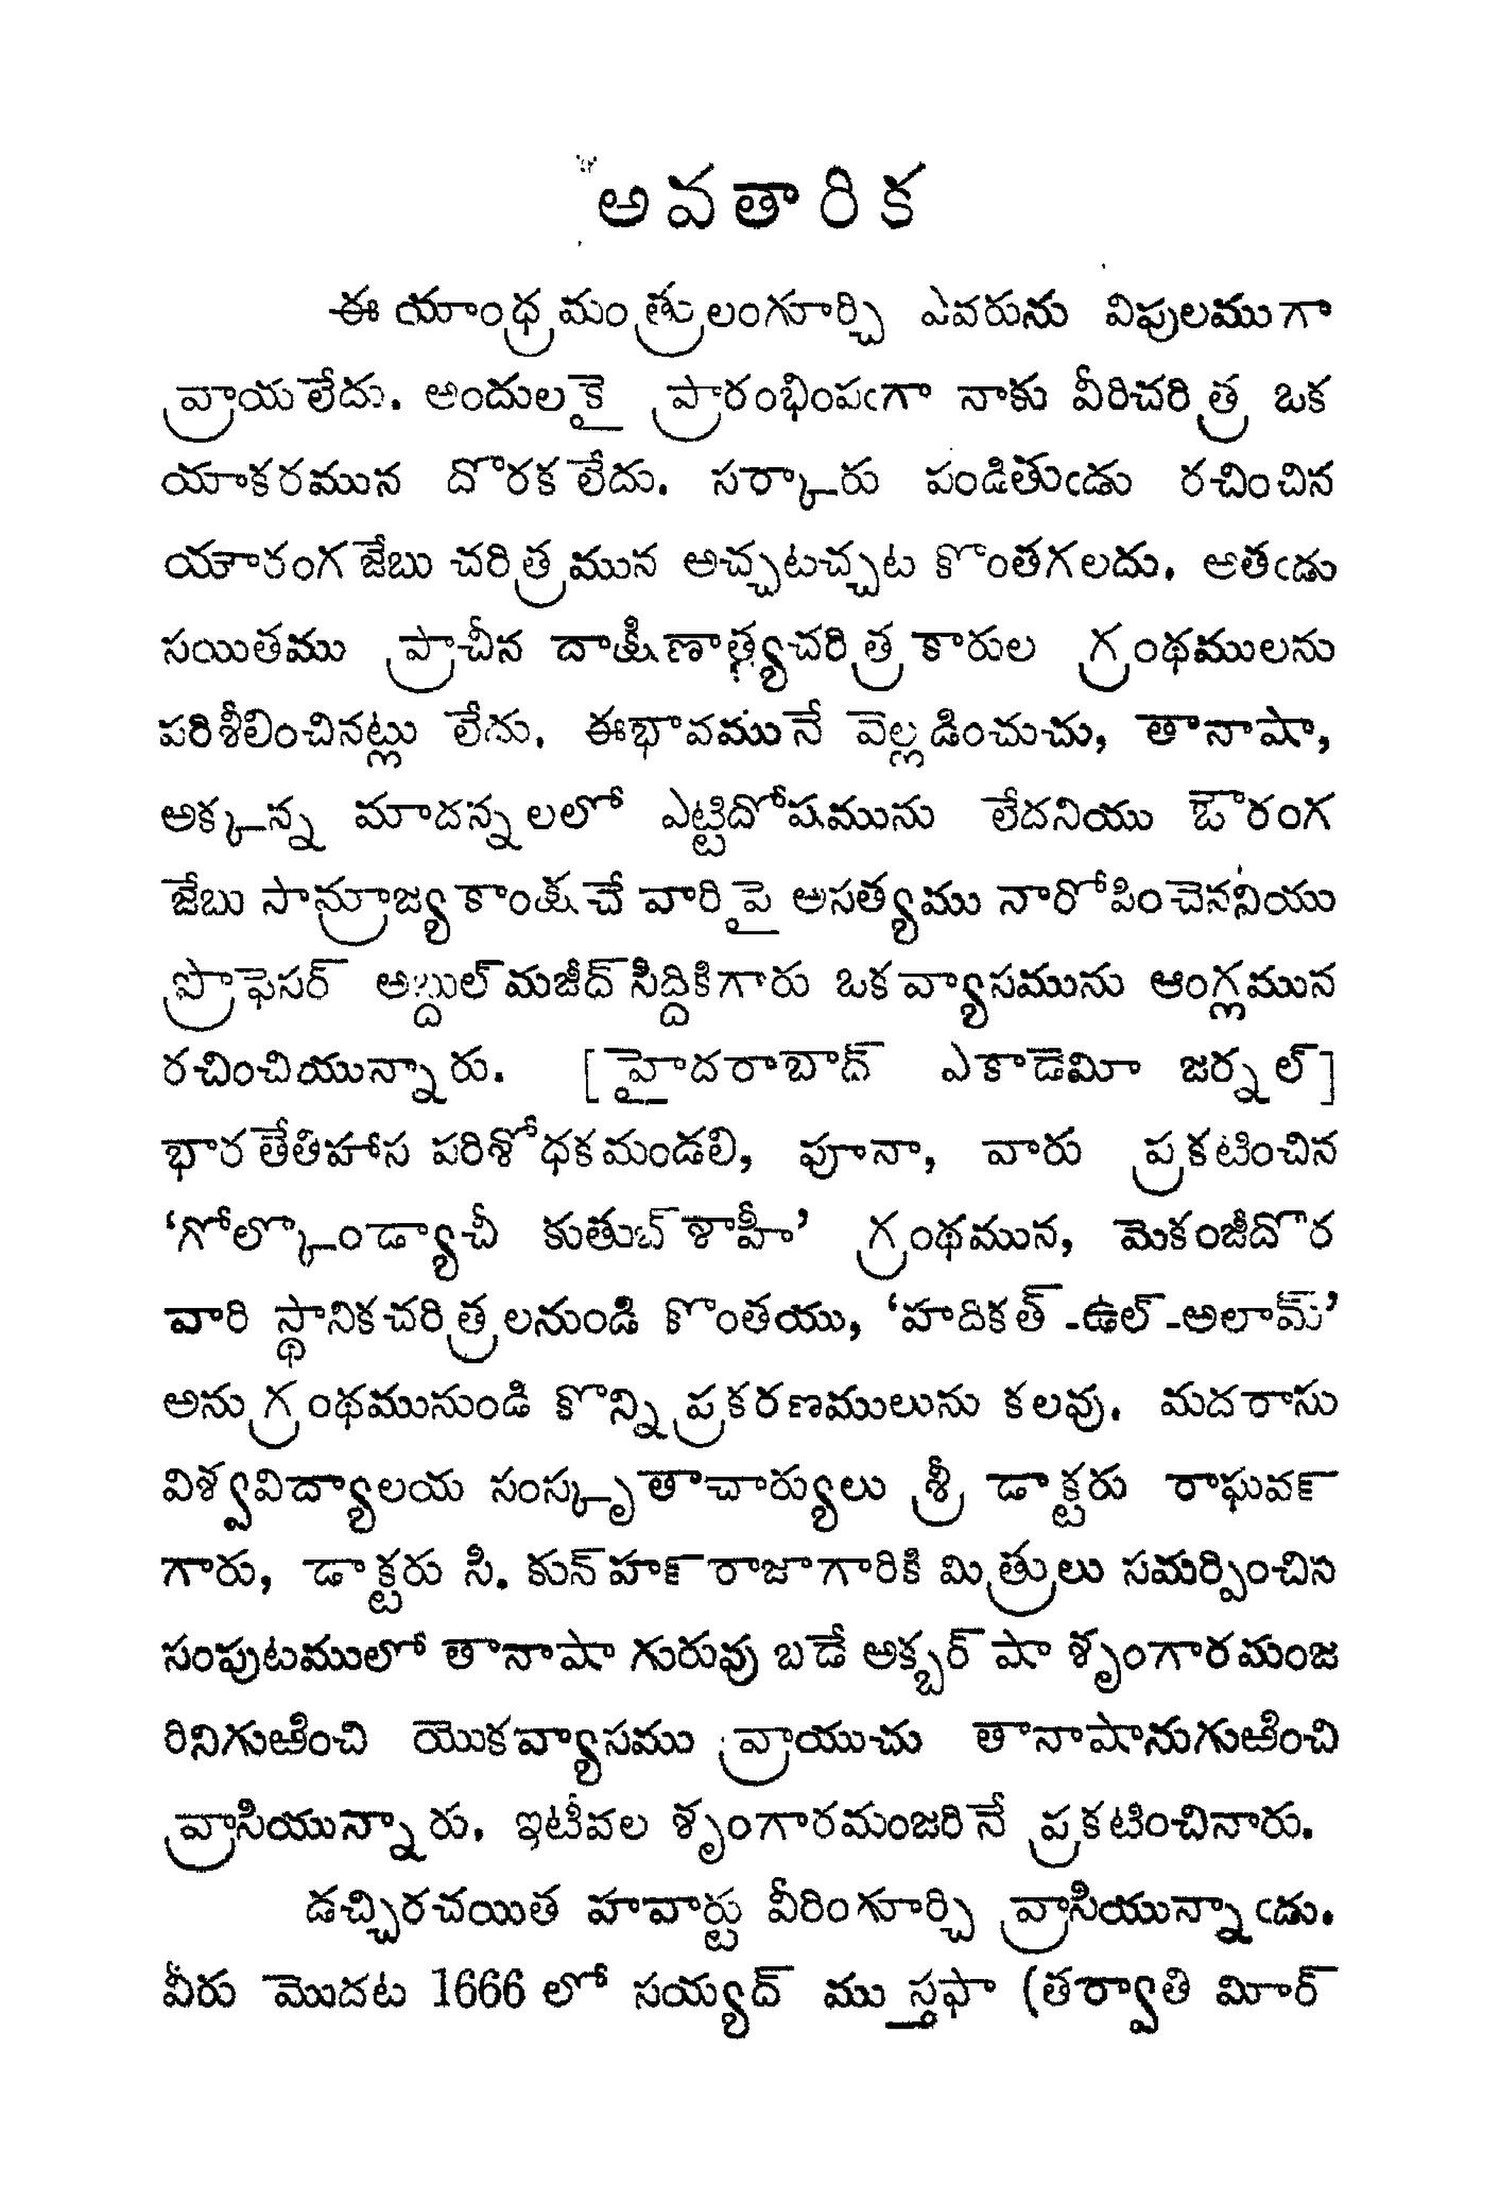అవతారిక 

ఈ యాంధ్రమంత్రులంగూర్చి ఎవరును విపులముగా వ్రాయలేదు. అందులకై ప్రారంభింపఁగా నాకు వీరిచరిత్ర ఒక ప్రకారము గా దొరకలేదు. సర్కారు పండితుఁడు రచించిన ఔరంగజేబు చరిత్రమున అచ్చటచ్చట కొంతగలదు. అతఁడు సయితము ప్రాచీన దాక్షిణాత్యచరిత్రకారుల గ్రంథములను పరిశీలించినట్లు లేదు. ఈభావమునే వెల్లడించుచు, తానాషా, అక్కన్న మాదన్నలలో ఎట్టిదోషమును లేదనియు ఔరంగజేబు సామ్రాజ్యకాంక్షచే వారిపై అసత్యమును ఆరోపించేను ప్రొఫెసర్ అబ్దుల్‌మజీద్‌సిద్దికిగారు ఒక వ్యాసమును ఆంగ్లమున రచించియున్నారు. [హైదరాబాద్ అకాడమీ జర్నల్] భారతీయ పరిశోధకమండలి, పూనా, వారు ప్రకటించిన ‘గోల్కొండ్త కుతూబ్‌శాహీ’ గ్రంథమున, మెకంజీదొర వారి స్థానికచరిత్రలనుండి కొంతయు, ‘హదికత్-ఉల్-అలామ్’ అనుగ్రంథమునుండి కొన్ని ప్రకరణములును కలవు. మదరాసు విశ్వవిద్యాలయ సంస్కృతాచార్యులు శ్రీ డాక్టరు రాఘవ గారు, డాక్టరు సి. కున్‌హరాజాగారికి మిత్రులు సమర్పించిన సంపుటములో తానాషా గురువు బడే అక్బర్ షా శృంగారమంజరినిగుఱించి యొకవ్యాసము వ్రాయుచు తానాషానుగుఱించి వ్రాసియున్నారు. ఇటీవల శృంగారమంజరినే ప్రకటించినారు.

డచ్చిరచయిత హవార్టు వీరింగూర్చి వ్రాసియున్నాఁడు. వీరు మొదట 1666 లో సయ్యద్ ముస్తఫా (తర్వాతి మీర్